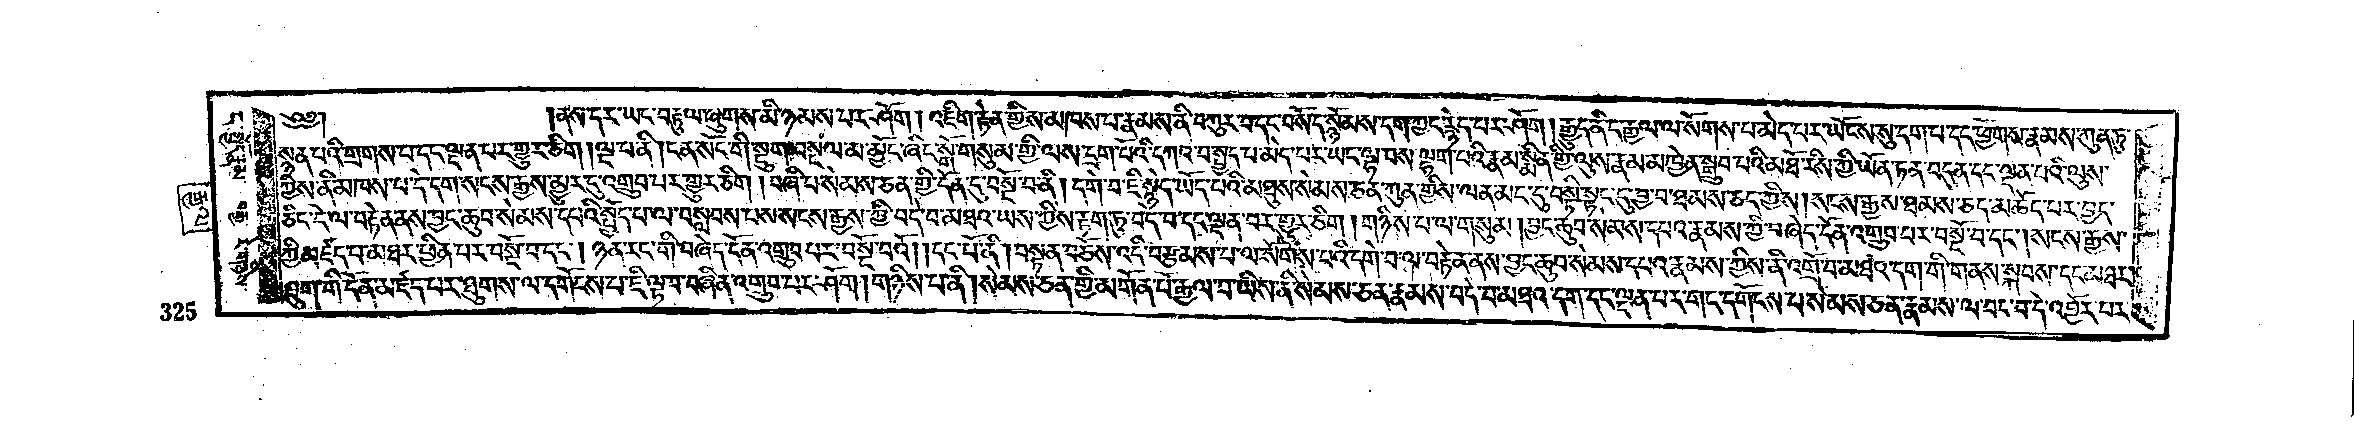༄༅། །ནས་དར་ཡང་བརྟུལ་ཞུགས་མི་ཉམས་པར་ཤོག །འཇིག་རྟེན་གྱིས་མཁས་པ་རྣམས་ནི་བཀུར་བ་དང་བསོད་སྙོམས་དག་ཀྱང་རྙེད་པར་ཤོག །རྒྱུད་ནི་ང་རྒྱལ་ལ་སོགས་པ་མེད་པར་ཡོངས་སུ་དག་པ་དང་ཕྱོགས་རྣམས་ཀུན་ཏུ་
སྙན་པའི་གྲགས་པ་དང་ལྡན་པར་གྱུར་ཅིག །ལྔ་པ་ནི། ངན་སོང་གི་སྡུག་བསྔལ་མ་མྱོང་ཞིང་སྒོ་གསུམ་གྱི་ལས་དྲག་པའི་དཀའ་བ་སྤྱད་པ་མེད་པར་ཡང་ལྷ་བས་ལྷག་པའི་རྣམ་སྨིན་གྱི་ལུས་རྣམ་སྨིན་གྱི་ལུས་རྣམ་མཁྱེན་སྒྲུབ་པའི་མཐོ་རིས་ཀྱི་ཡོན་ཏན་བདུན་དང་ལྡན་པའི་ལུས་
ཀྱིས་ནི་མཁས་པ་དེ་དག་སངས་རྒྱས་མྱུར་དུ་འགྱུར་བར་གྱུར་ཅིག །བཞི་པ་སེམས་ཅན་གྱི་དོན་དུ་བསྔོ་བ་ནི། དགེ་བ་ཇི་སྙེད་ཡོད་པའི་མཐུས་སེམས་ཅན་ཀུན་གྱིས་ལན་མང་དུ་བསྟི་སྟང?་དུ་བྱ་བ་ཐམས་ཅད་ཀྱིས། སངས་རྒྱས་ཐམས་ཅད་མཆོད་པར་བྱད་
ཅིང་དེ་ལ་བརྟེན་ནས་བྱང་ཆུབ་སེམས་དཔའི་སྤྱོད་པ་ལ་བསླབས་པས་སངས་རྒྱས་ཀྱི་བདེ་བ་མཐའ་ཡས་ཀྱིས་རྟག་ཏུ་བདེ་བ་དང་ལྡན་པར་གྱུར་ཅིག །གཉིས་པ་ལ་གསུམ། བྱང་ཆུབ་སེམས་དཔའ་རྣམས་ཀྱི་བཞེད་དོན་འགྲུབ་པར་བསྔོ་བ་དང་། སངས་རྒྱས་
ཀྱི་མཛད་པ་མཐར་ཕྱིན་པར་བསྔོ་བ་དང་། ཉན་རང་གི་བཞེད་དོན་འགྲུབ་པར་བསྔོ་བའོ། །དང་པོ་ནི། བསྟན་བཅོས་འདི་བརྩམས་པ་ལ་སོགས་པའི་དགེ་བ་ལ་བརྟེན་ནས་བྱང་ཆུབ་སེམས་དཔའ་རྣམས་ཀྱིས་ནི་འགྲོ་བ་མཐའ་དག་གི་གནས་སྐབས་དང་མཐར་
ཐུག་གི་དོན་མཛད་པར་ཐུགས་ལ་དགོངས་པ་ཇི་ལྟ་བ་བཞིན་འགྲུབ་པར་ཤོག །གཉིས་པ་ནི། སེམས་ཅན་གྱི་མགོན་པོ་རྒྱལ་བ་ཡིས་ནི་སེམས་ཅན་རྣམས་བདེ་བ་མཐའ་དག་དང་ལྡན་པར་གང་དགོངས་པ་སེམས་ཅན་རྣམས་ལ་བདེ་བ་དེ་འབྱོར་པར་